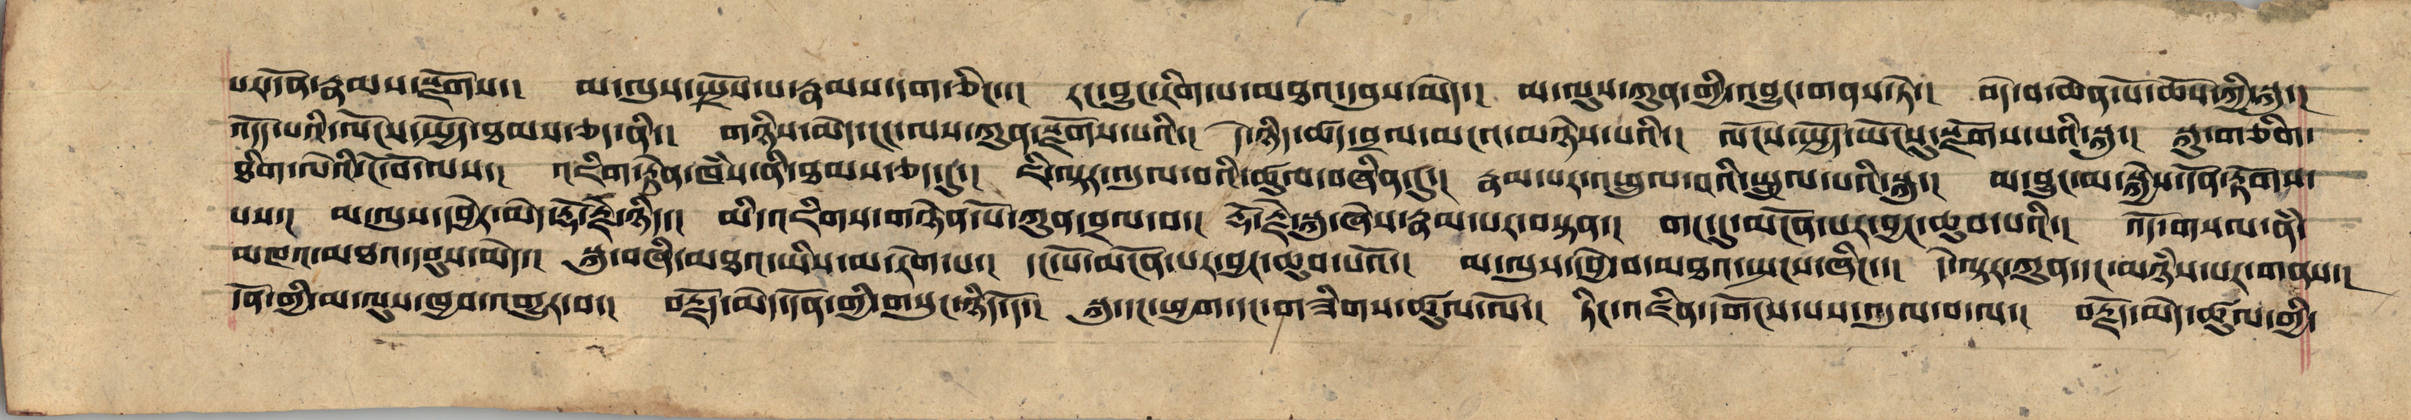པར་དོན་རྣམས་སྫོགས་། མ་ལུས་སྤྲོས་པ་རྣམས་དག་ཅིང་། རང་བྱུང་རིག་པ་མཐའ་དབུས་མེད་། མ་ལུས་ཀུན་གྱི་འབྱུང་གནས་ཏེ་། བདེ་བ་ཆེན་པོ་ཆོས་ཀྱི་སྐུ་།
འདོད་པའི་ལོངས་སྤྱོད་ཐམས་ཅད་ནི་། གཉིས་མེད་ངང་ལས་ཀུན་སྫོགས་པའི་། དེ་ཉིད་ཚད་བྲལ་མངའ་མཉེས་པའི་། ལོངས་སྤྱོད་ཡོངསུ་སྫོགས་པའི་སྐུ་། སྐུ་གཅིག་
ཐིག་ལེའི་ངོ་བོ་ལས་། འཇིག་སྟེན་ཁཾས་ནི་ཐམས་ཅད་དུ་། ཇི་ལྟར་འདུལ་བའི་ཚུལ་བཞིན་དུ་། རྣམ་པར་འཕྲུལ་བའི་སྤྲུལ་པའི་སྐུ་། མ་བྱུང་མ་སྐྱེས་དོན་རྟོགས་
པས་། མ་ལུས་དབྱེར་མེད་རྡོ་རྗེ་ཉིད་། མི་འཇིགས་གཉེན་པོ་ཀུན་བྲལ་བ་། རྡོ་རྗེ་སྐུ་ཞེས་རྣམ་པར་བསྟན་། གང་དུ་མངོན་པར་བྱང་ཆུབ་པའི་། འོད་གསལ་ནཾ་
མཁའ་མཐའ་དབུས་མེད་། སྐུ་བཞི་མཐའ་ཡིས་མ་རེག་པ་། དང་པོ་མངོན་པར་བྱང་ཆུབ་པའོ་། མ་ལུས་དབྱེ་བ་མཐའ་སྤངས་ཞིང་་། དེ་ལྟར་ཀུན་དང་མཉཾས་པར་གནས་།
དོན་གྱི་མ་ལུས་ཁྱབ་འགྱུར་བ་། བརྗོད་མེད་དོན་གྱི་གསུང་ཉིད་དོ་། སྐུ་དང་ཕྱག་དང་གཟིགས་ཚུལ་ལོ་། ཏིང་འཛིན་དགོངས་པས་འདུལ་བ་ལ་། བརྗོད་མེད་ཚུལ་གྱི་